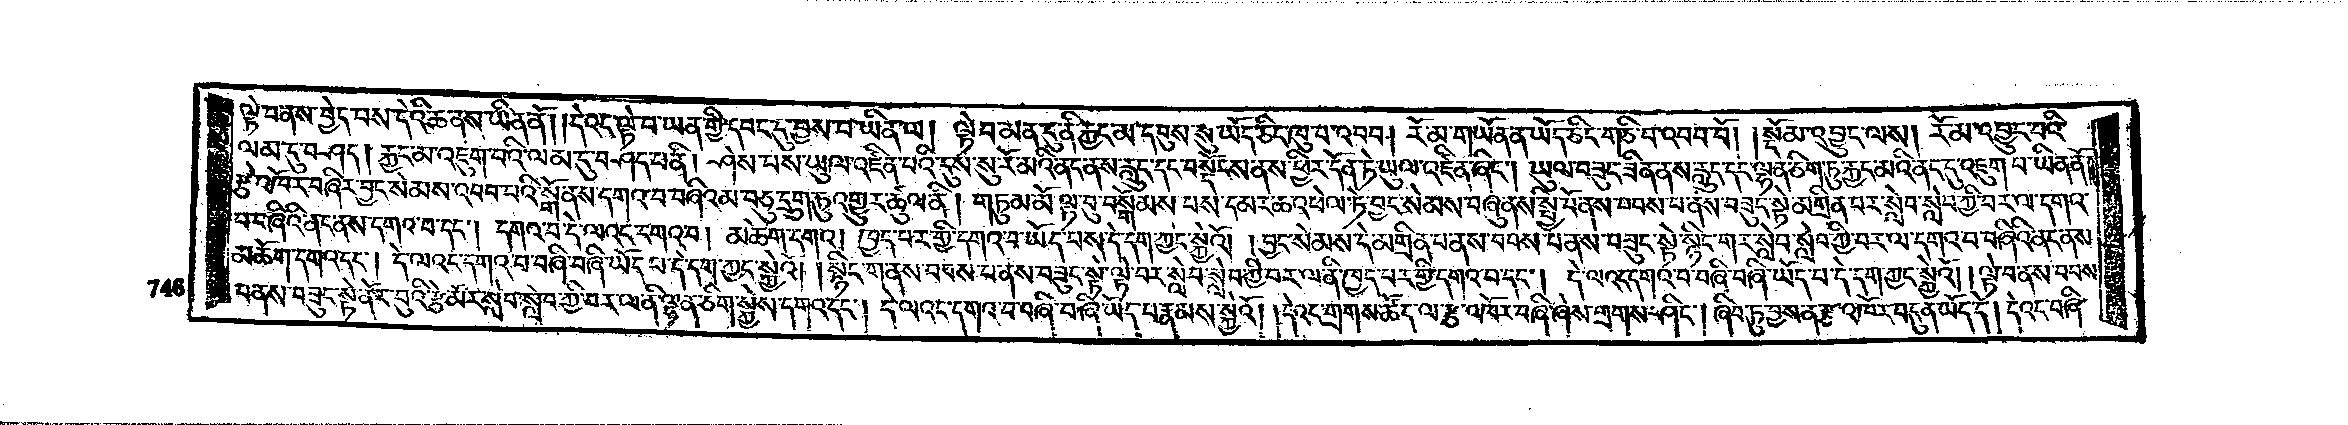ལྟེ་བ་ནས་བྱེད་པས་དེའི་ཆ་ནས་ཡིན་ནོ། །དེའང་ལྟེ་བ་ཡིན་གྱི་དབང་དུ་བྱས་པ་ཡིན་ལ། ལྟེ་བ་མན་དུ་ནི་རྐྱང་མ་དབུས་སུ་ཡོད་ཅིང་ཁུ་བ་འབབ། རོ་མ་གཡོན་ན་ཡོད་ཅིང་གཅི་བ་འབབ་བོ། །སྡོམ་འབྱུང་ལས། རོ་མ་འབྱུང་བའི་
ལམ་དུ་བཤད། རྐྱང་མ་འཇུག་པའི་ལམ་དུ་བཤད་པ་ནི། ཤེས་པས་ཡུལ་འཛིན་པའི་དུས་སུ་རོ་མའི་ནང་ནས་རླུང་དང་བསྡོངས་ནས་ཕྱིར་དོན་ཏེ་ཡུལ་འཛིན་ཞིང་། ཡུལ་བཟུང་ཟིན་ནས་རླུང་དང་ལྷན་ཅིག་ཏུ་རྐྱང་མའི་ནང་དུ་འཇུག་པ་ཡིན་ནོ། །
རྩ་འཁོར་བཞིར་བྱང་སེམས་འབབ་པའི་སྒོ་ནས་དགའ་བ་བཞིའམ་བཅུ་དྲུག་ཏུ་འགྱུར་ཚུལ་ནི། གཏུམ་མོ་ལྟ་བུ་བསྒོམས་པས་དམར་ཆ་འཕེལ་ཏེ་བྱང་སེམས་བཞུ་ནས་སྤྱི་བོ་ནས་བབས་པ་ནས་བཟུང་སྟེ་མགྲིན་པར་སླེབ་སླེབ་ཀྱི་བར་ལ་དགའ་
བ་བཞིའི་ནང་ནས་དགའ་བ་དང་། དགའ་བ་དེ་ལའང་དགའ་བ། མཆོག་དགའ། ཁྱད་པར་གྱི་དགའ་བ་ཡོད་པས་དེ་དག་ཀྱང་སྐྱེའོ། །བྱང་སེམས་དེ་མགྲིན་པ་ནས་བབས་པ་ནས་བཟུང་སྟེ་སྙིང་གར་སླེབ་སླེབ་ཀྱི་བར་ལ་དགའ་བ་བཞིའི་ནང་ནས་
མཆོག་དགའ་དང་། དེ་ལའང་དགའ་བ་བཞི་བཞི་ཡོད་པ་དེ་དག་ཀྱང་སྐྱེའོ། །སྙིང་ག་ནས་བབས་པ་ནས་བཟུང་སྟེ་ལྟེ་བར་སླེབ་སླེབ་ཀྱི་བར་ལ་ནི་ཁྱད་པར་གྱི་དགའ་བ་དང་། དེ་ལའང་དགའ་བ་བཞི་བཞི་ཡོད་པ་དེ་དག་ཀྱང་སྐྱེའོ། །ལྟེ་བ་ནས་བབས་
པ་ནས་བཟུང་སྟེ་ནོར་བུའི་རྩེ་མོར་སླེབ་སླེབ་ཀྱི་བར་ལ་ནི་ལྷན་ཅིག་སྐྱེས་དགའ་དང་། དེ་ལའང་དགའ་བ་བཞི་བཞི་ཡོད་པ་རྣམས་སྐྱེའོ། །དེའང་གྲགས་ཚོད་ལ་རྩ་འཁོར་བཞི་ཞེས་གྲགས་ཤིང་། ཞིབ་ཏུ་བྱས་ན་རྩ་འཁོར་བདུན་ཡོད་དེ། དེའང་བཞི་